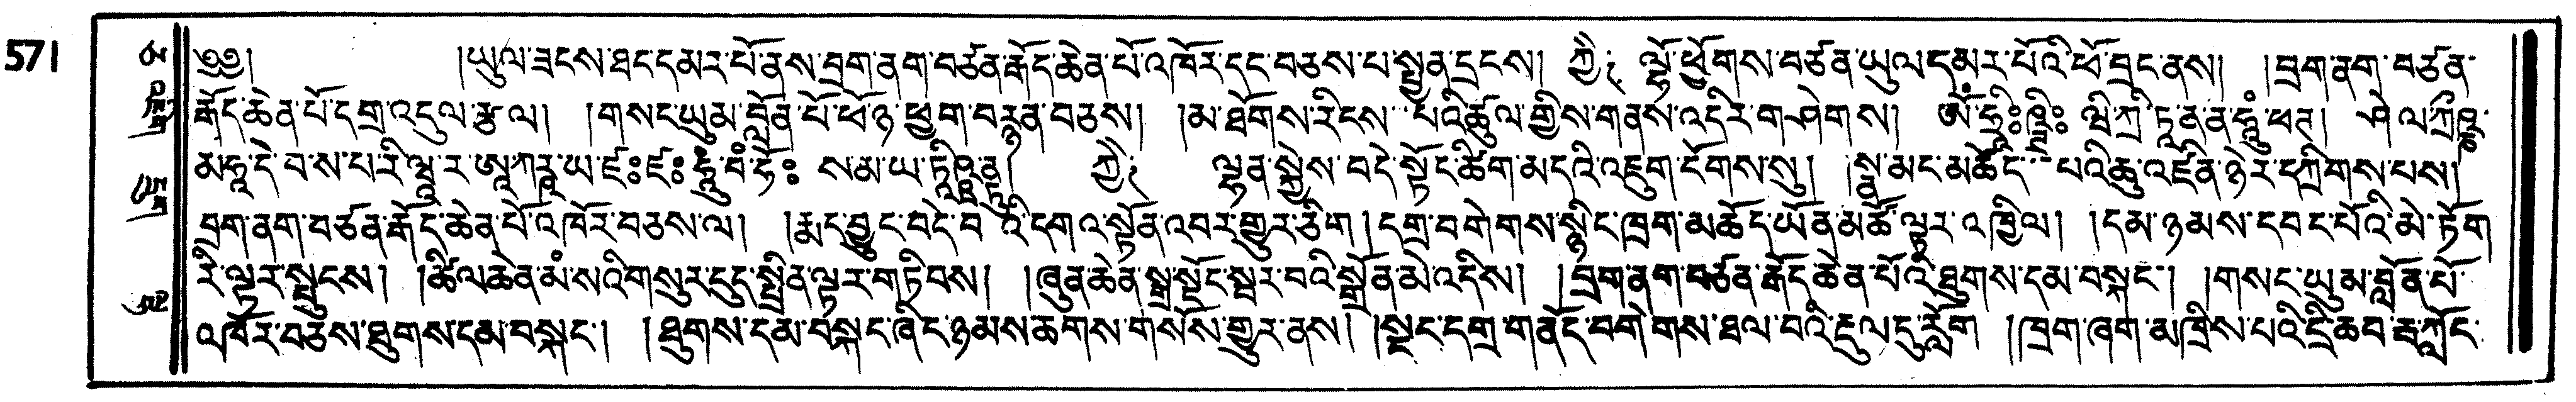༄༅། །ཡུལ་ཟངས་ཐང་དམར་པོ་ནས་བྲག་ནག་བཙན་རྒོད་ཆེན་པོ་འཁོར་དང་བཅས་པ་སྤྱན་དྲངས། ཀྱཻ༑ ལྷོ་ཕྱོགས་བཙན་ཡུལ་དམར་པོའི་ཕོ་བྲང་ནས། །བྲག་ནག་བཙན་
རྒོད་ཆེན་པོ་དགྲ་འདུལ་རྩལ། །གསང་ཡུམ་བློན་པོ་ཕོ་ཉ་ཕྱག་བརྙན་བཅས། །མ་ཐོགས་རིངྶ་་་པའི་ཚུལ་གྱིས་གནས་འདིར་གཤེགས། ཨོཾ་ཧྲཱིཿཥྚིཿ ཝི་ཀྲི་ཏཱ་ན་ན་ཧཱུཾ་ཕཊ། ཤེལ་ཀྲྀཥྞ་
མྷཱ་དེ་བ་ས་པ་རི་ཝཱ་ར་ཨཱ་ཀརྵ་ཡ་ཛཿཛཿཧཱུཾ་བཾ་ཧོཿ སམ་ཡ་ཏཱིཥཊཿཨ་ནཏུ། ཀྱཻ༑ ལྷན་སྐྱེས་བདེ་སྟོང་ཚིག་མདའི་འཇུག་དོགས་སུ། །སྣ་མང་མཆོད་་་པའི་ཆུ་འཛིན་ཉེར་དཀྲིགས་པས།
བྲག་ནག་བཙན་རྒོད་ཆེན་པོ་འཁོར་བཅས་ལ། །རྨད་བྱུང་བདེ་བའི་དགའ་སྟོན་འབར་གྱུར་ཅིག །དགྲ་བགེགས་སྙིང་ཁྲག་མཆོད་ཡོན་མཚོ་ལྟར་འཁྱིལ། །དམ་ཉམས་དབང་པོའི་མེ་ཏོག་
རི་ལྟར་སྤུངས། །ཚིལ་ཆེན་མཾ་སའི་གསུར་དུད་སྤྲིན་ལྟར་གཏིབས། །ཞུན་ཆེན་སྒྲ་སྡོང་སྦར་བའི་སྒྲོན་མེ་འདིས། །བྲག་ནག་བཙན་རྒོད་ཆེན་པོའི་ཐུགས་དམ་བསྐང་། །གསང་ཡུམ་བློན་པོ་
འཁོར་བཅས་ཐུགས་དམ་བསྐང་། །ཐུགས་དམ་བསྐང་ཞིང་ཉམས་ཆགས་གསོས་གྱུར་ནས། །སྡང་དགྲ་གནོད་བགེགས་ཐལ་བའི་རྡུལ་དུ་རློག །ཁྲག་ཞག་མཁྲིས་པའི་དྲི་ཆབ་རྦ་ཀློང་